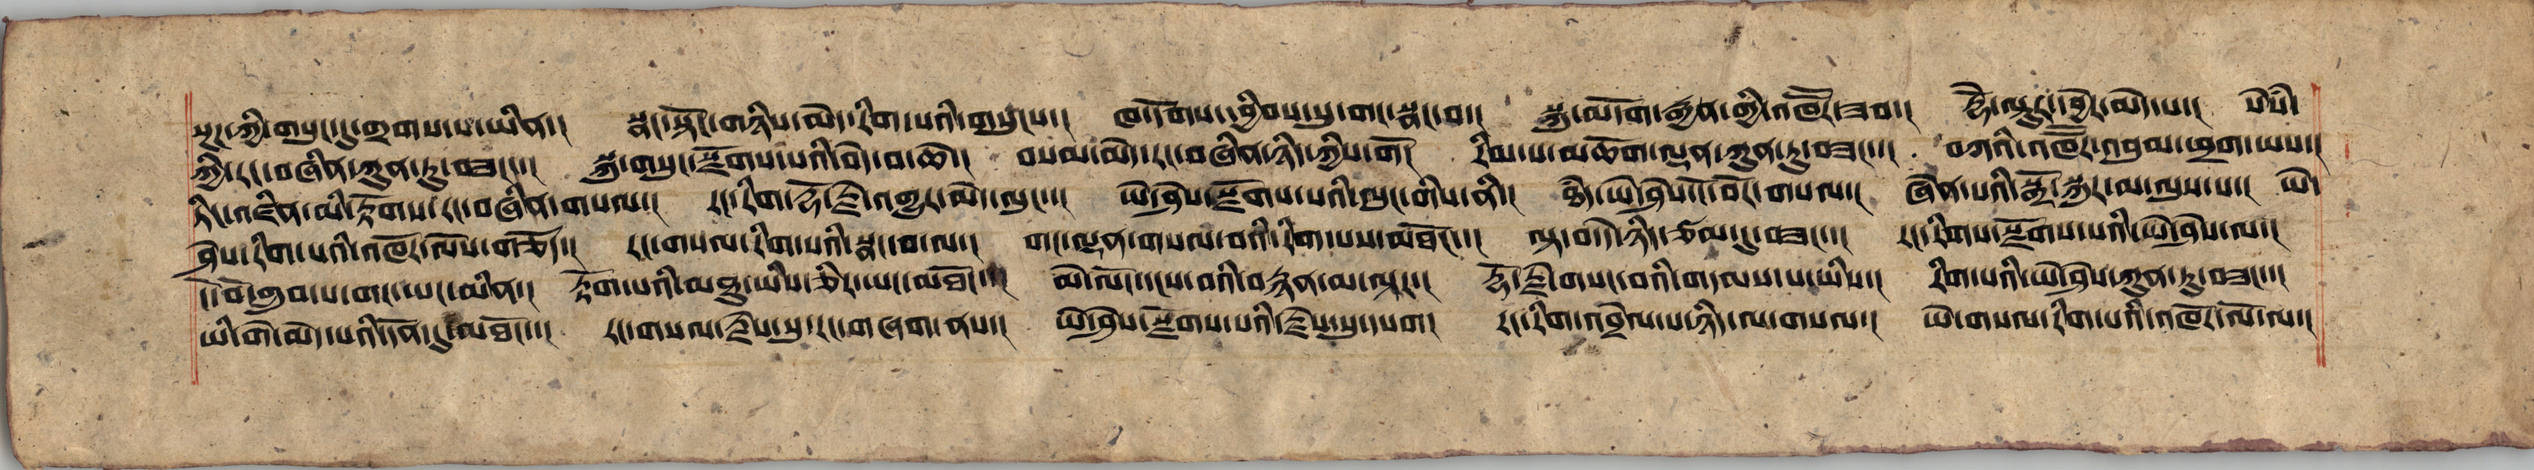སྔཌ་ཀྱི་གསུང་དུ་གྲགས་པ་ཡིན་། སྣང་སྟོང་གཉིས་མེད་རིག་པའི་གསུངས་། ཁ་དོགས་དབྱིབས་སུ་གང་སྣང་བ་། སྐུ་མདོག་རྒྱན་གྱི་འཁཽར་ཟབ་། རྡེོ་ལྟུར་དབྱེར་མེད་པ་། སེཾས་
ཀྱི་རང་བཞིན་ཀུན་ཏུ་བཟངད་། སྐུ་གསུང་སྫོག་ས་པའི་བདེ་བ་ཆེ་། བསམ་མེད་རང་བཞིན་ཉིད་ཀྱིས་གོ། རིམ་པ་མཆོག་ལྡན་ཀུན་ཏུ་བཟང་་། བཀའི་འཁཽར་འབུམ་ཕྲག་ཡས་།
ཏིང་འཛིན་མི་རྟོགས་རང་བཞིན་གསལ་། རང་རིག་རྡོ་རྗེ་འགྱུར་མེད་ལུང་་། ཡེ་ཤེས་སྫོགས་པའི་ལུང་གིས་ནི་། ཐདཾ་ཡེ་ཤེས་ངོ་བོར་གསལ་། ཞེན་པའི་སྒྲོ་སྐུར་མ་ལུས་པ་། ཡེ་
ཤེས་རིག་པའི་འཁོར་ལོས་གཅོད་། རང་གསལ་རིག་པའི་སྣང་བ་ལ་། གང་ལྷན་གསལ་བའི་རིག་པས་མཐོང་་། ལྟ་བ་དེ་ཉིད་ཙམ་དུ་བཟང་། རང་རིགས་སྫོགས་པའི་ཡེ་ཤེས་ལ་།
ངོ་བོ་གྲུབ་པ་གང་ཡང་མིན་། རྟོག་པའི་མཐུ་ཡིས་ཅིར་ཡང་མཐོང་། མེ་ལོང་དངས་བའི་བརྙན་མ་ལྟར་། རྡོ་རྗེ་གསང་བའི་གདམས་པ་ཡིས་། རིག་པའི་ཡེ་ཤེས་ཀུན་ཏུ་བཟང་།
ཡི་གེ་མེད་པའི་དོན་དུ་མཐོང་། རང་གསལ་རྗེས་སུ་རང་གཞག་ནས་། ཡེ་ཤེས་སྫོགས་པའི་རྗེས་སུ་དཔག། རང་རིག་འབྲེལ་པ་ཉིད་ལ་གསལ་། ཡེ་གསལ་རིག་པའི་འཁོར་ལོ་ལ་།